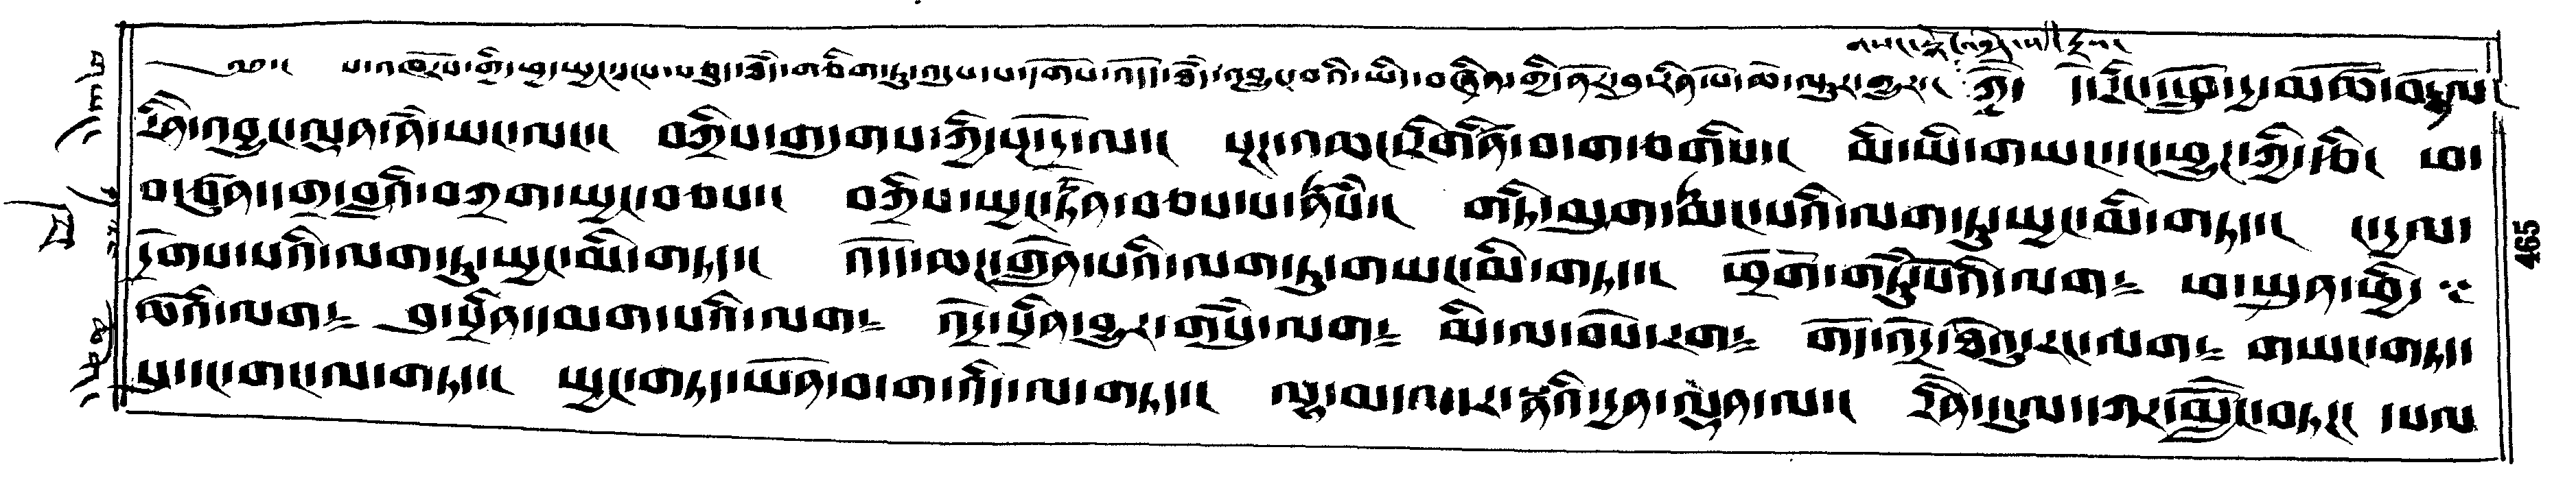པ་འཁོར་བཅས་གྱི་ཕྱ་གཡང་དྭངས་བཅུད་ཐམས་ཅད་གཅིག་ཏུ་འདུས་པ་དགོས་འདོད་ཐམས་ཅད་འབྱུང་བའི་ཡིད་བཞིན་གྱི་ནོར་བུ་རིན་པོ་ཆེ་ལྟ་བུར་གྱུར། ཀྱཻ། དེ་རིང་དངོས་གྲུབ་རྒྱ་མཚོ་སྩོལ། །
རིན་ཆེན་འབྱུང་ལྡན་ནམ་ཡང་ལང་། བཀྲ་ཤིས་གདུགས་ཀྱི་སྔ་དྲོ་ལ། །སྔགས་འཆང་རིག་འཛིན་བདག་ཅག་གིས། །མི་ཡི་གཡང་དང་ཕྱུགས་ཀྱི་རྩི། །ཕ་
བཙུན་དགྲ་བླའི་བཀྲག་གཡང་བཅས། །བཀྲ་ཤིས་གཡང་རྟེན་བཅས་པ་རྣམས། །གཏི་མུག་རྨོངས་པའི་ལག་ཏུ་གཡང་མི་གཏད། །ང་རྒྱལ་
དྲེགས་པའི་ལག་ཏུ་གཡང་མི་གཏད། །འདོད་ཆགས་གླེན་པའི་ལག་ཏུ་གཡང་མི་གཏད། །ཕྲག་དོག་གཏུམ་པོའི་ལག༴ ཕ་སྤུན་ཕྱི་
ཆེའི་ལག༴ བུ་སྲིང་མག་པའི་ལག༴ འདྲེ་སྲིན་བྱུར་གསུམ་ལག༴ མི་ལ་བསེ་རག༴ གོད་འདྲེ་ཐེའུ་རང་ལག༴ གཡང་གཏད་
སུ་དང་གང་ལ་གཏད། །གཡང་གཏད་ཡོན་བདག་འདི་ལ་གཏད། །ལྷ་མདའ་དར་སྣའི་རྒྱན་ལྡན་ལ། །རིན་ཆེན་དངུལ་དཀར་མེ་ལོང་བཏགས། །དཔལ་